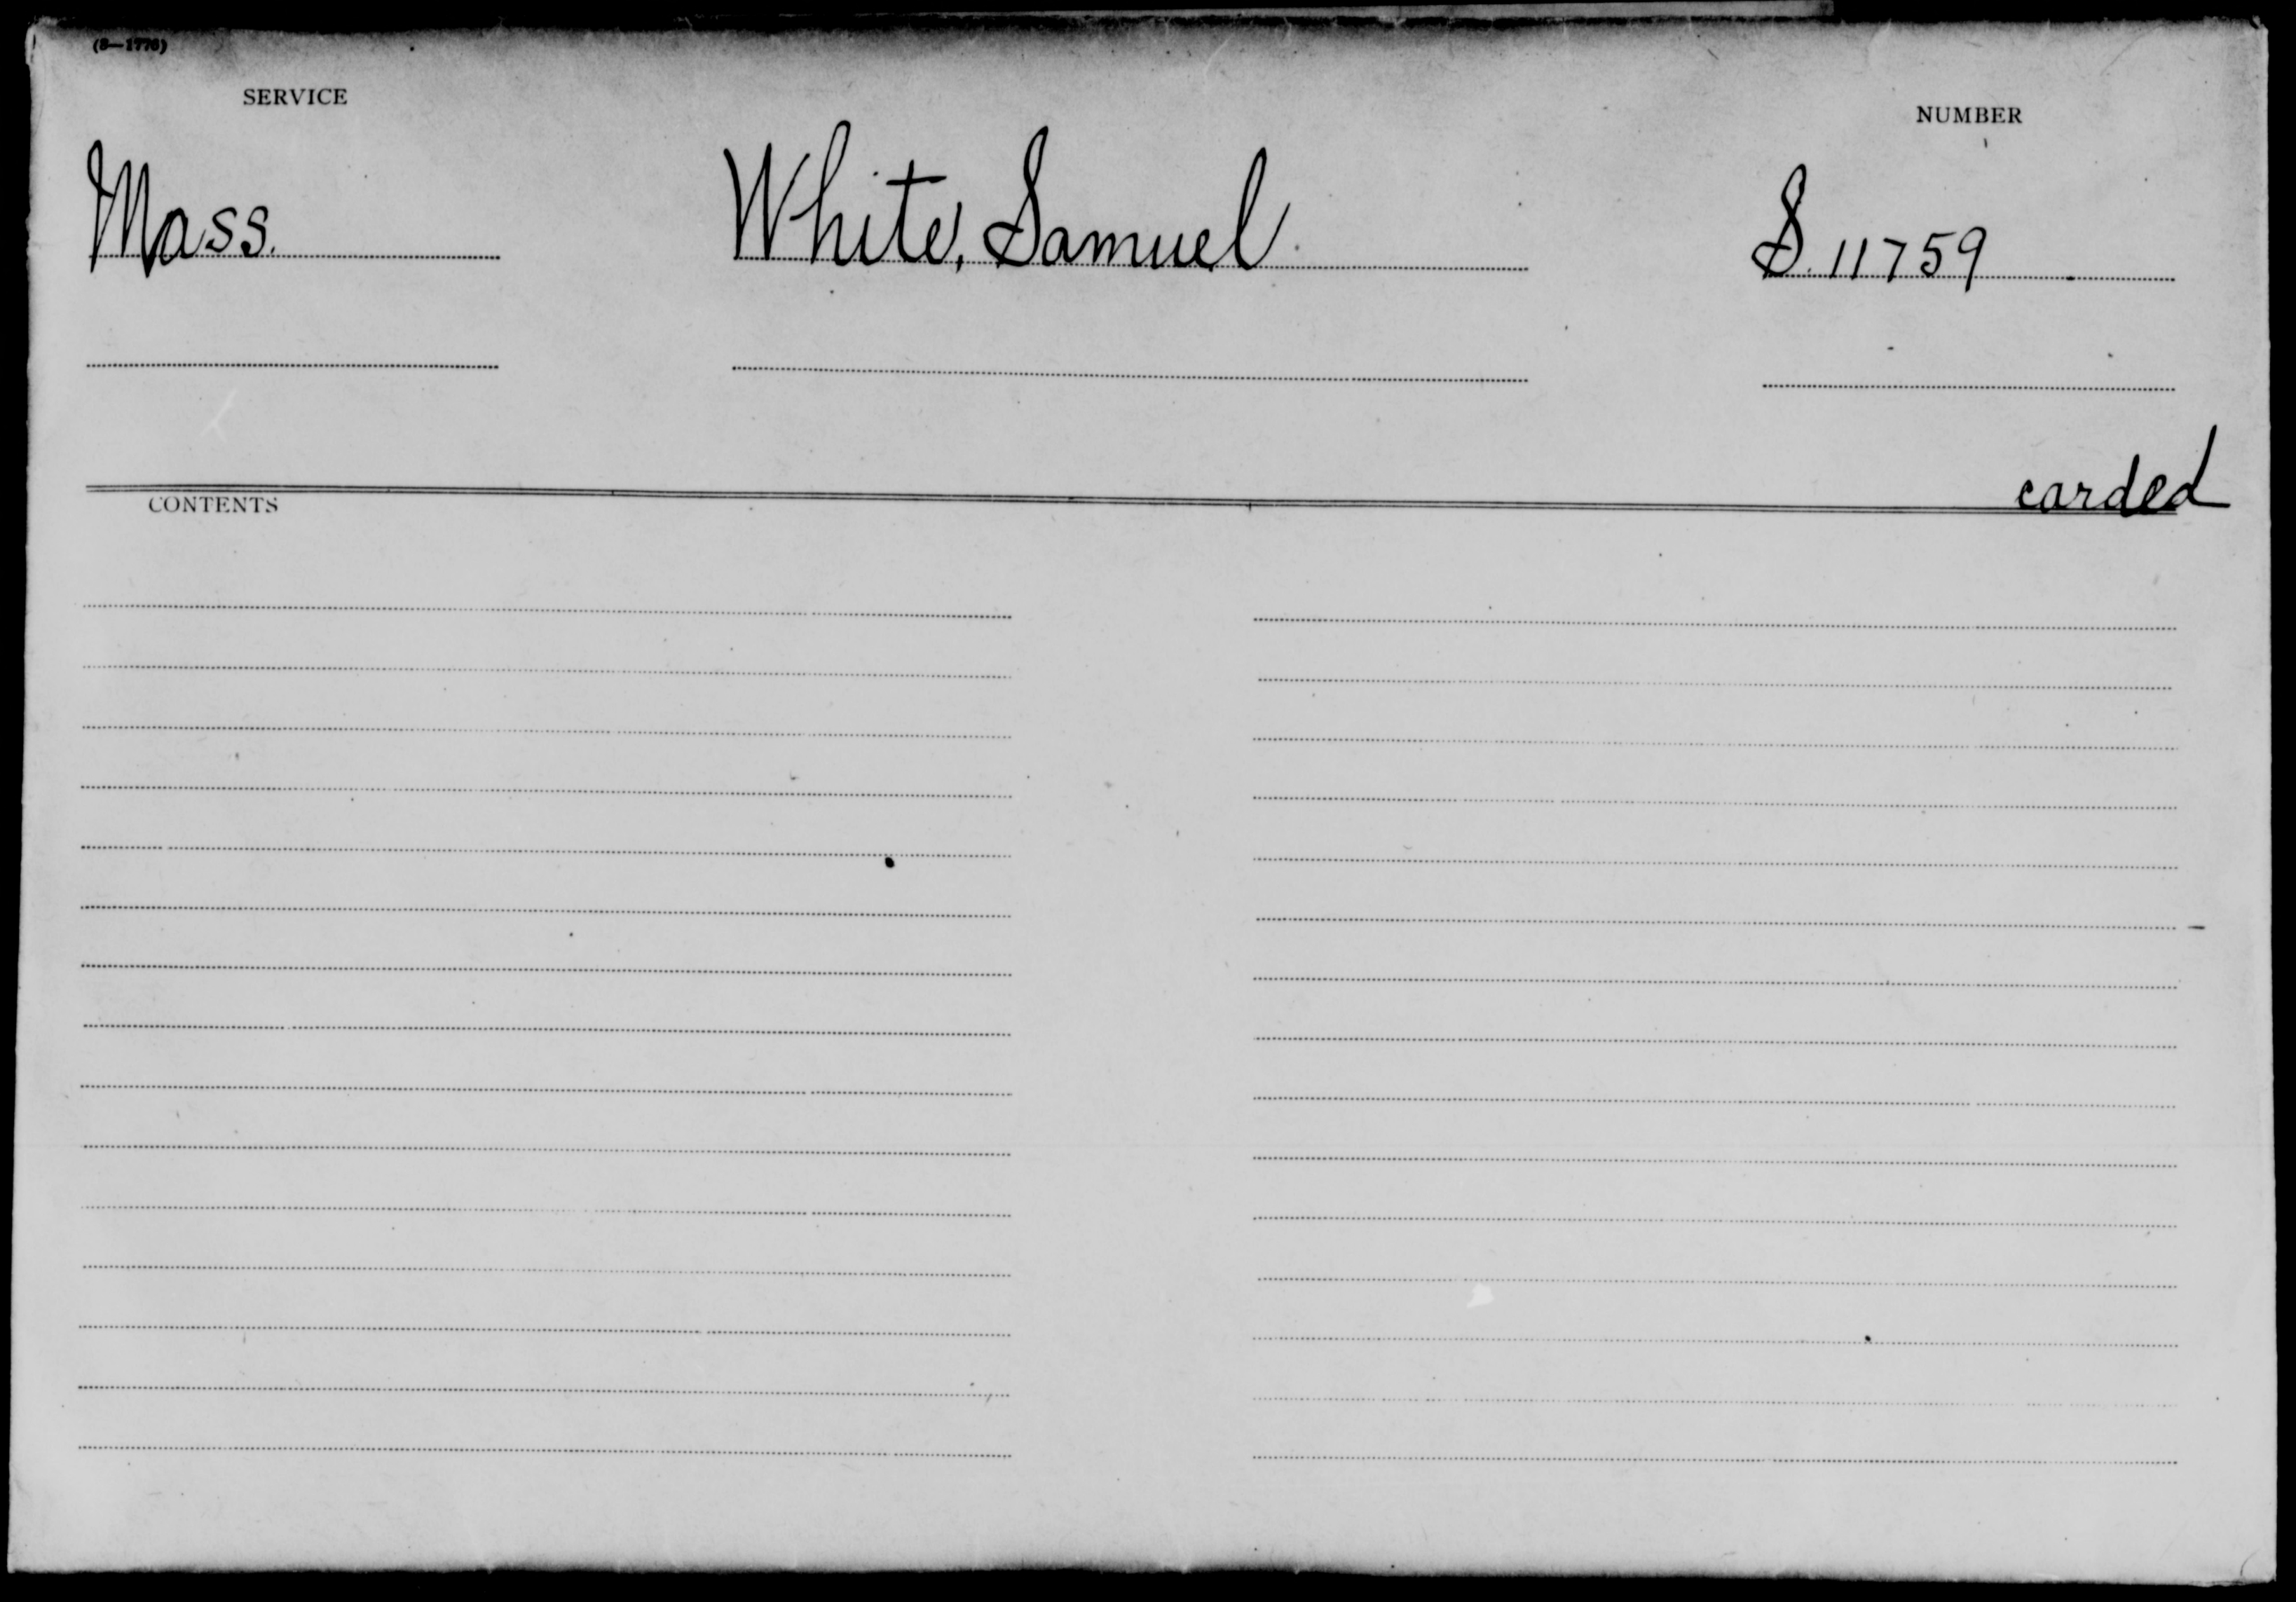Service
Mass.         White, Samuel  S. 11759
carded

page: 1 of 79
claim: survivor's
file: S. 11759, Samuel White, Mass.